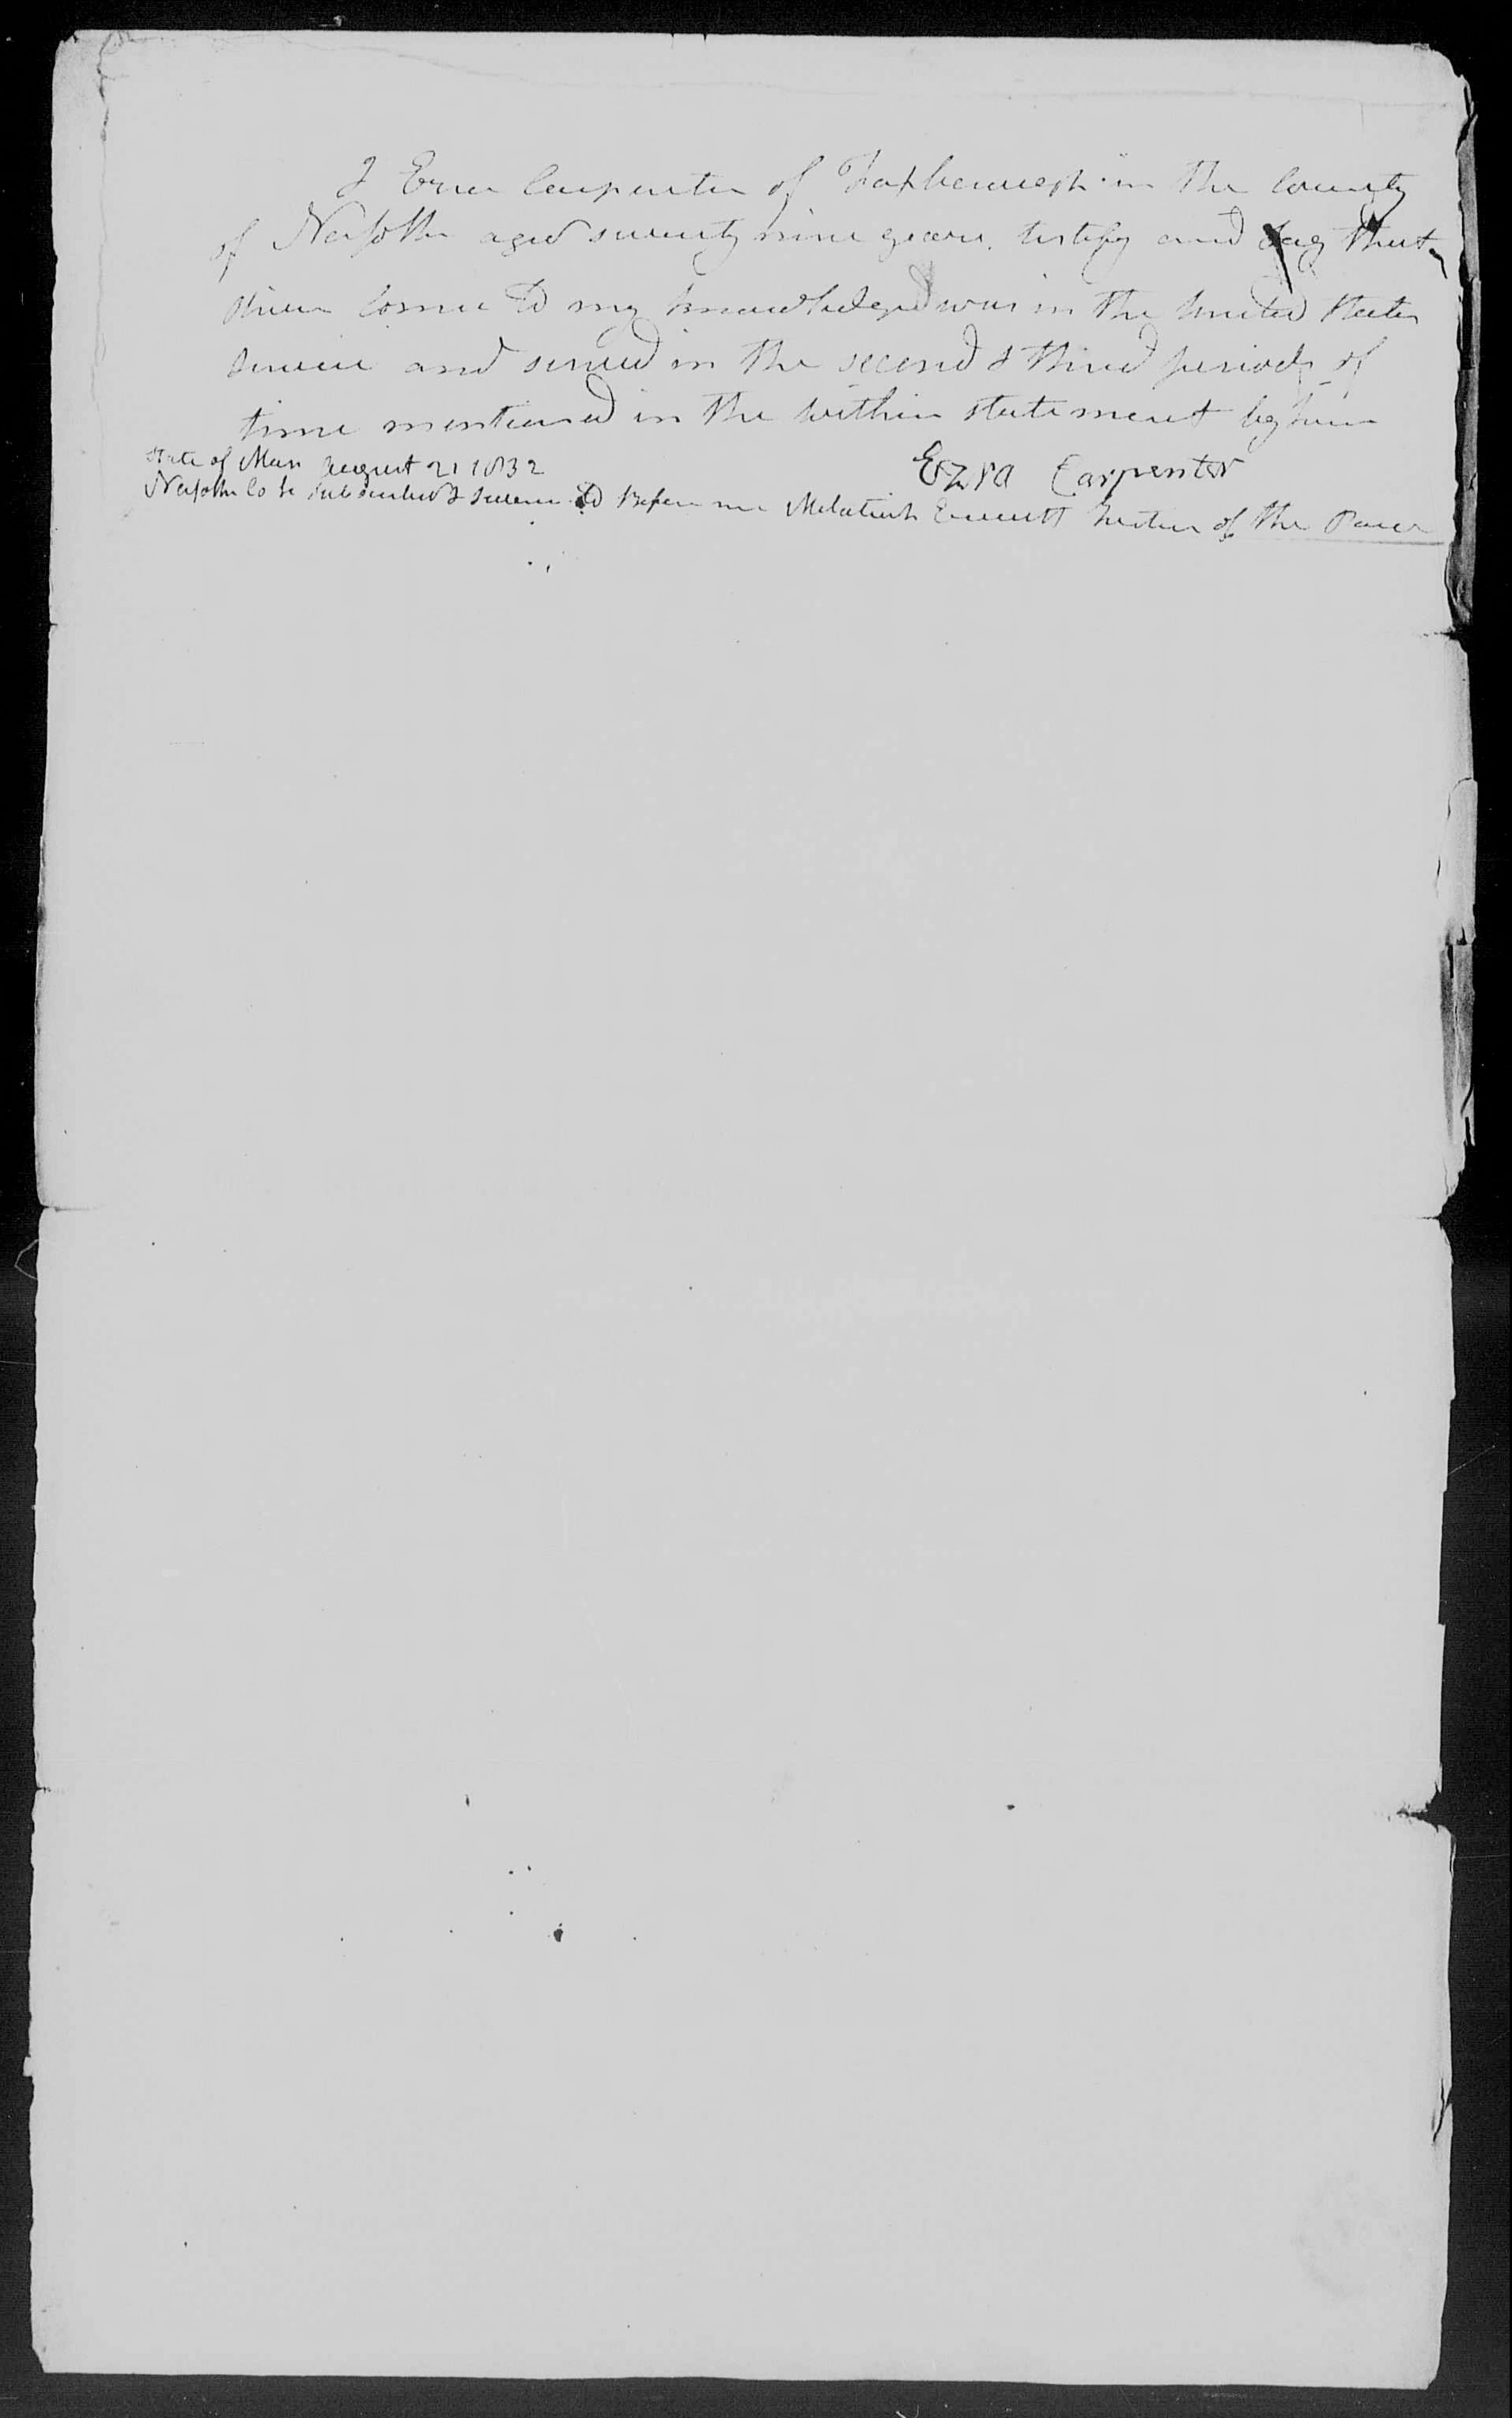E Carpenter of Taxes in the County of Newport aged seventy nine years testify and say that lien once to my knowledge was in the United States service and served in the second & third period of time mentioned in the within statement by him State of Mass August 21 1832 Ezra Carpenter Nason to be subscribed & sworn Before me Melatiah Emmett 
Justice of the Peace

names: Ezra Carpenter, Melatiah Everett, Ezra Carpenter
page: 7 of 45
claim: widow's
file: W. 14,567, Oliver Comee, Mass.